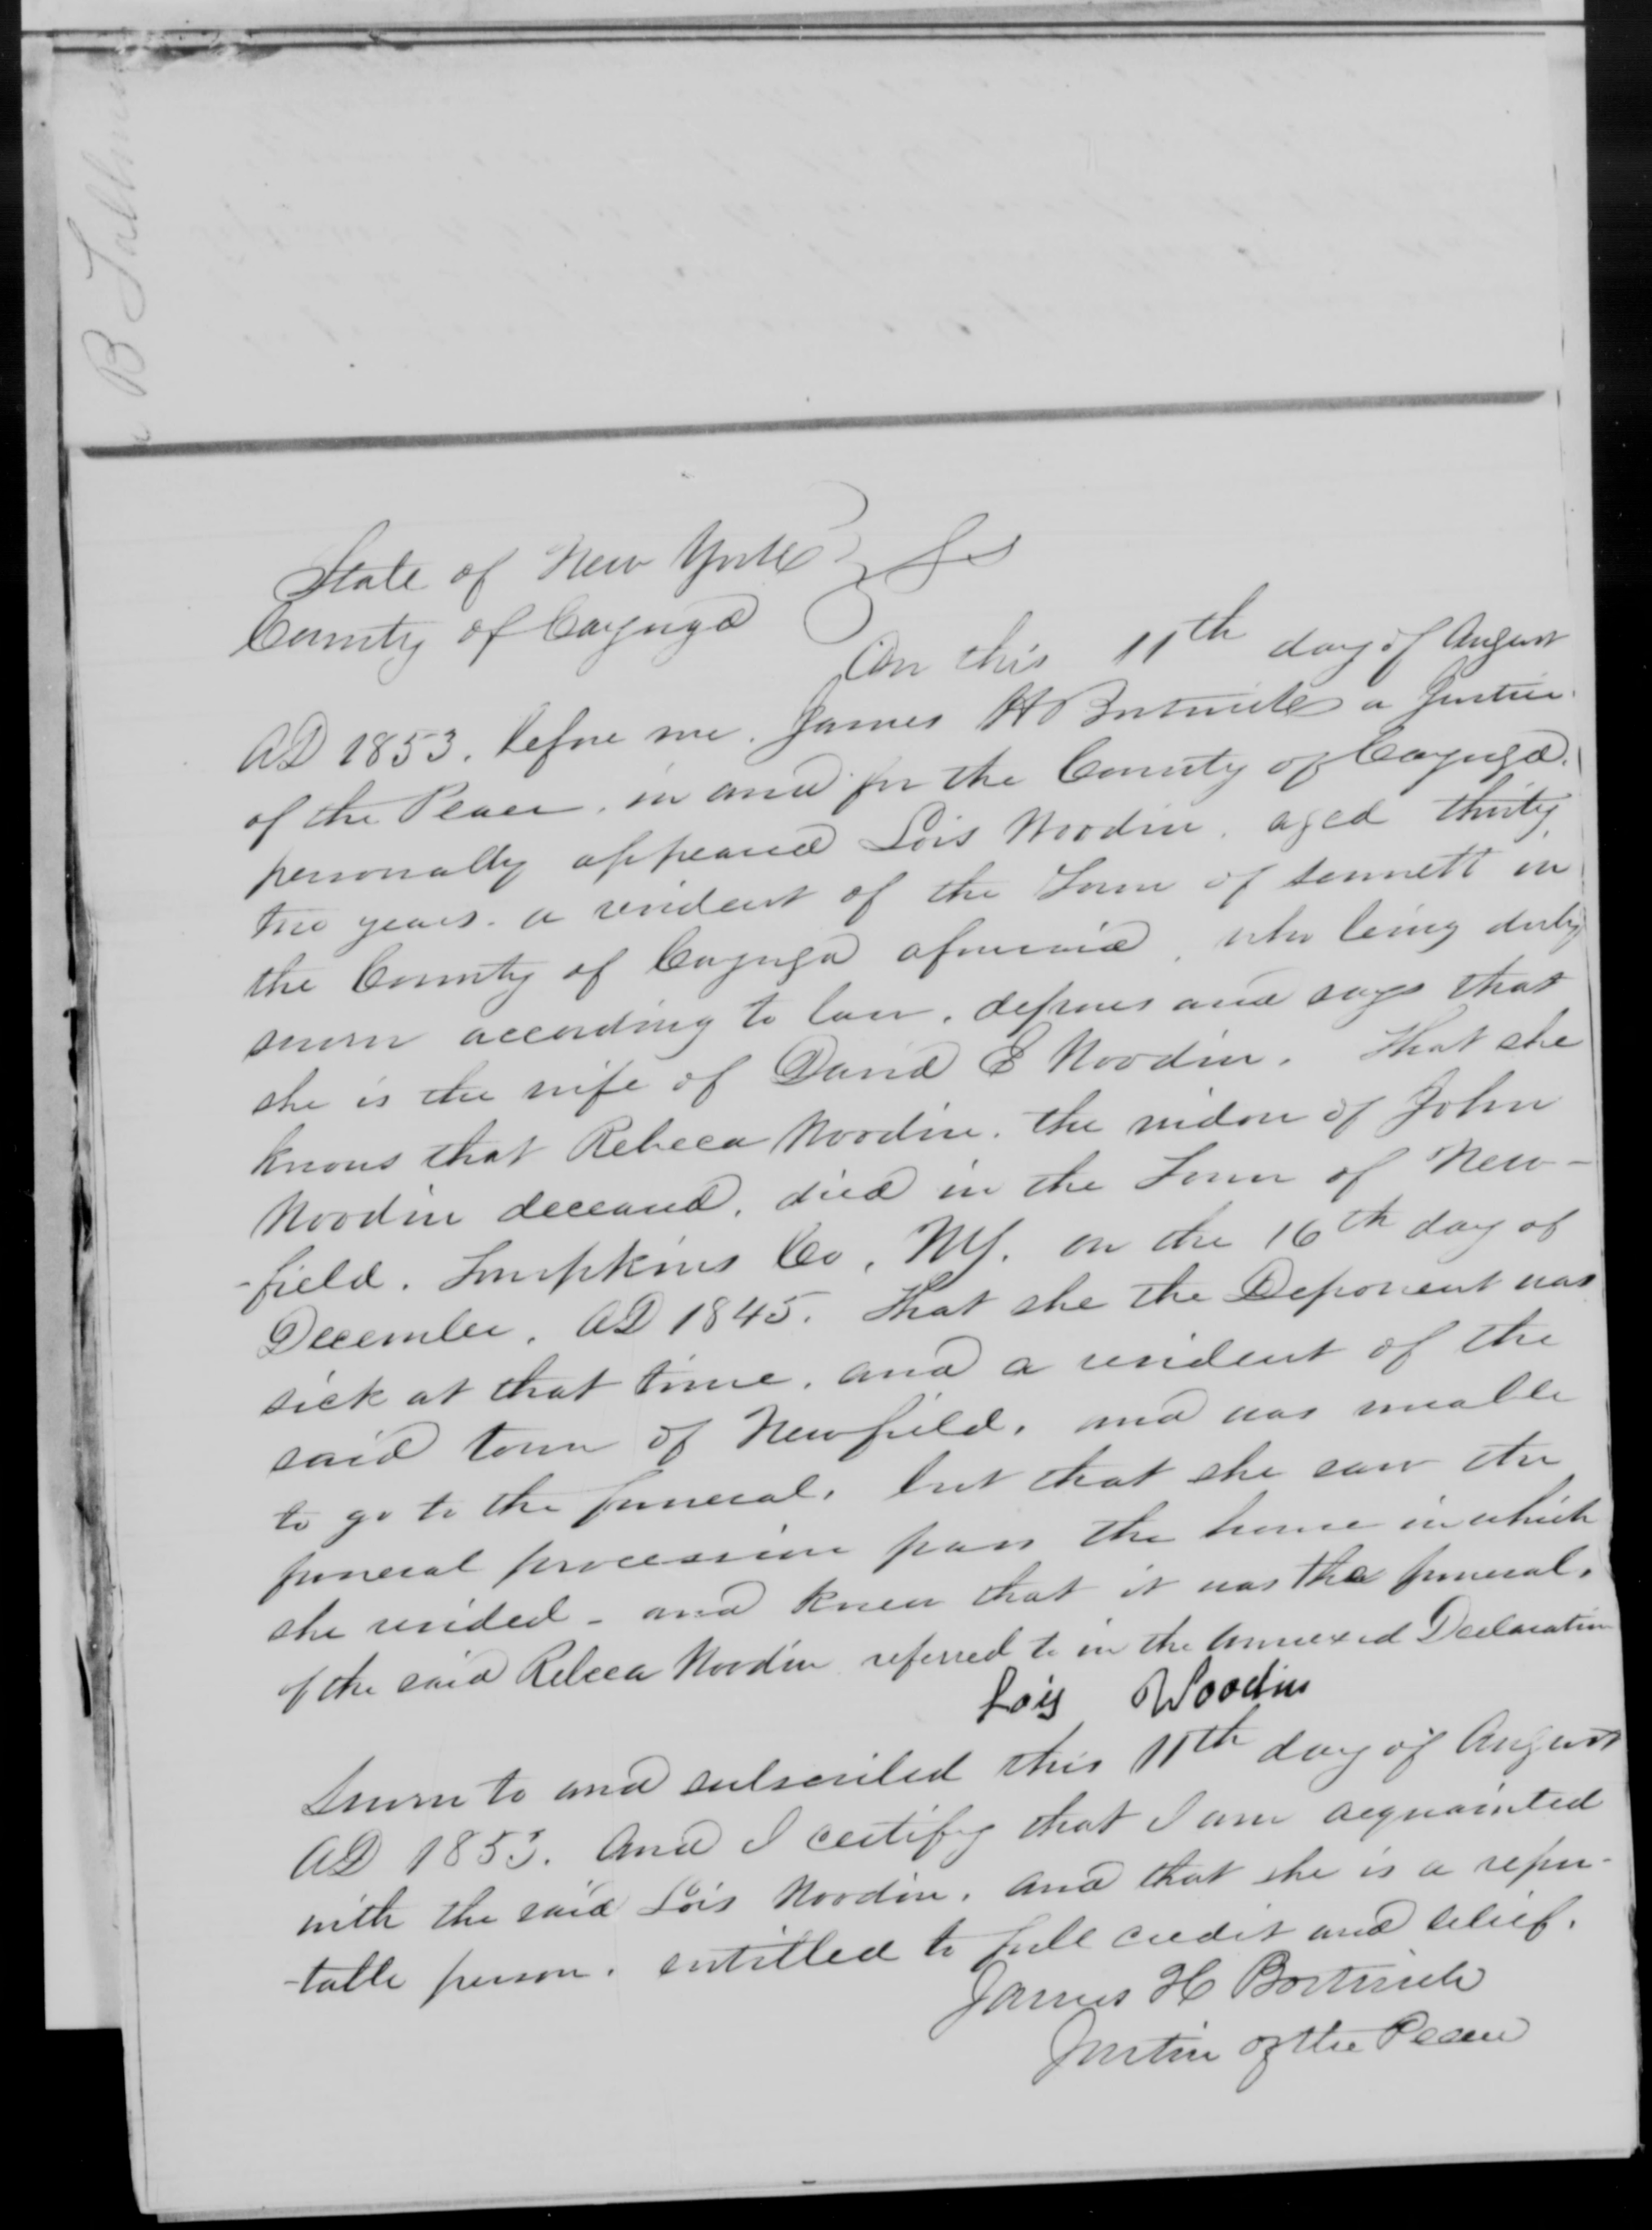State of New York 
County of Cayuga SS  On this 11th day of August AD 1853. before me James H Bostwick a Justice of the Peace in and for the County of Cayuga personally appeared Lois Woodin aged thirty two years a resident of the Town of Sennett in the County of Cayuga aforesaid who being duly sworn according to law, deposes and says that she is the wife of David S. Woodin, that she knows that Rebeca Woodin, the widow of John Woodin deceased, died in the Town of Newfield. Tompkins Co. NY. on the 16th day of December, AD 1845. That she the Deponent was sick at that time, and a resident of the said town of Newfield, and was unable to go to the funeral, but that she saw the funeral procession pass the house in which she resided, and knew that it was the funeral of the said Rebeca Woodin referred to in the aforesaid Declaration
[signed] Lois Woodin
Sworn to and subscribed this 11th day of August AD 1853. And I certify that I am acquainted with the said Lois Woodin, and that she is a reputable person entitled to full credit and belief. James H Bostwick 
Justice of the Peace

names: David E Woodin, John Woodin, Rebeca Woodin, James H Bostwick, Lois Woodin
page: 17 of 77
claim: widow's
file: W. 19658, John Woodin, New York